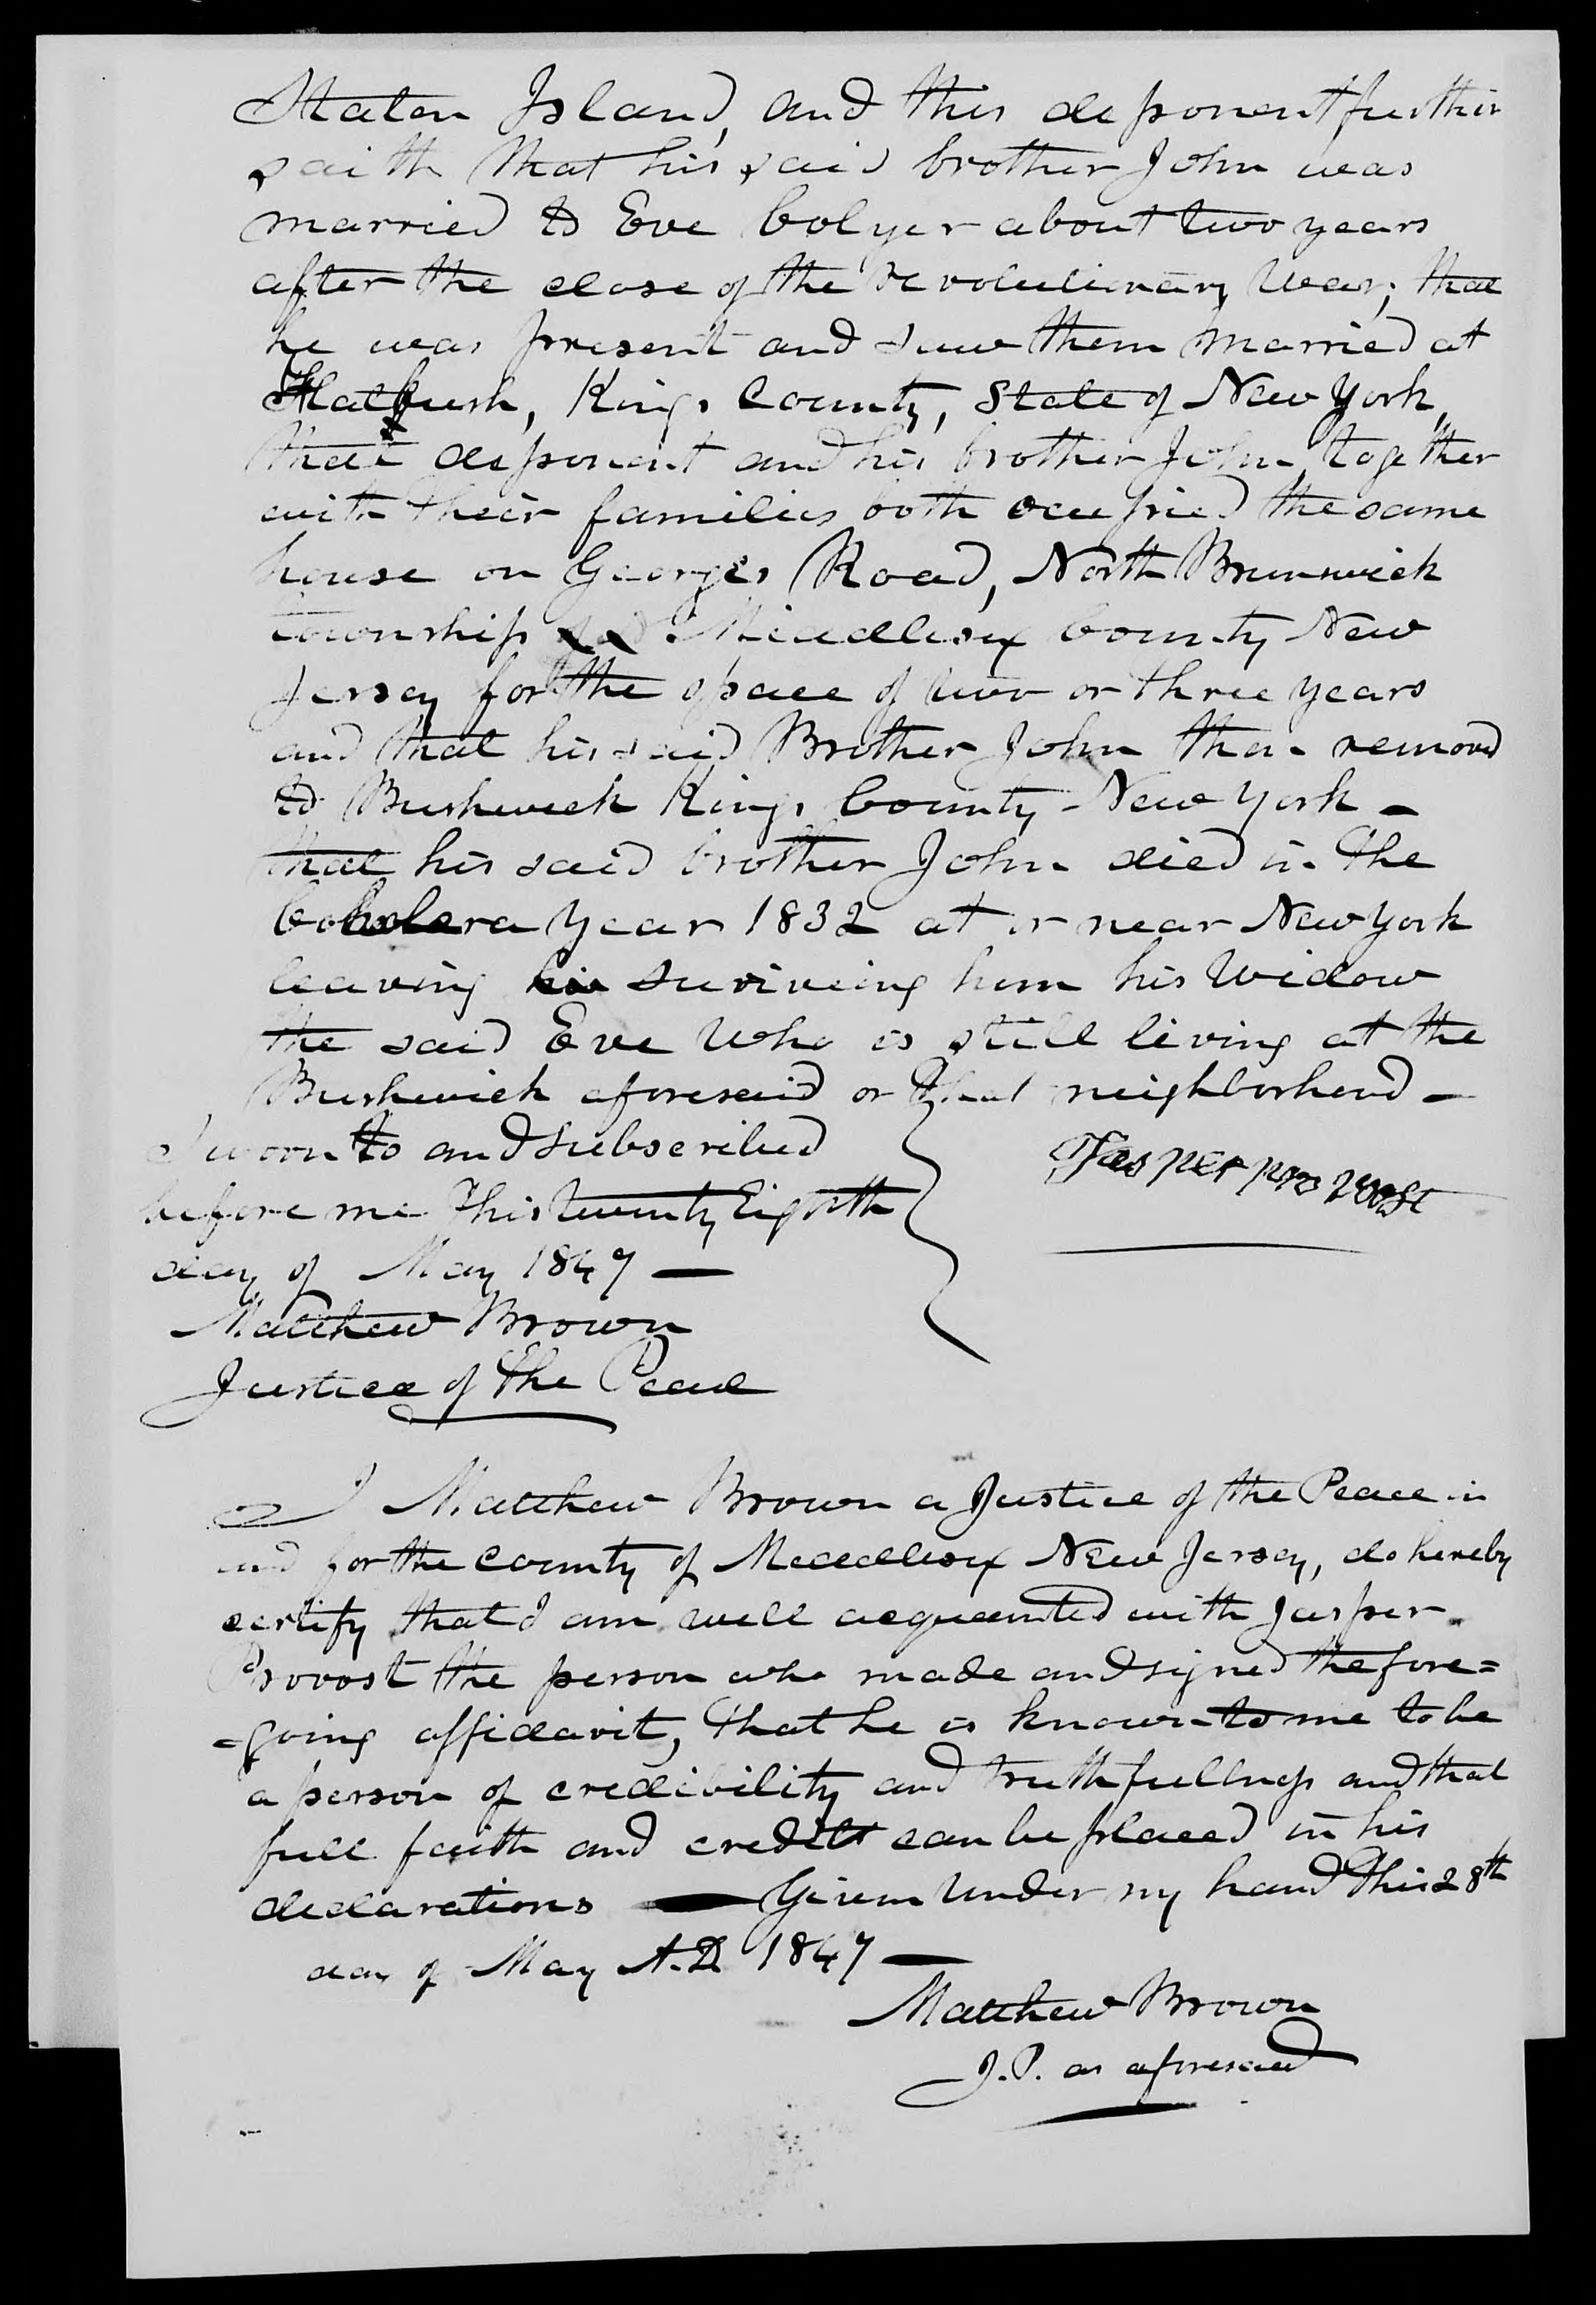Staten Island, and this deponent further saith that his said brother John was married to Eve Colyer about two years after the close of the revolutionary war; that he was present and saw them married at Flatbush, Kings County State of New York that deponent and his brother John together with their families both occupied the same house on Georges Road, North Brunswick township Middlesex County New Jersey for the space of two or three years and that his said Brother then removed to Buskwick Kings County New York - that his said brother John died in the Cholera year 1832 at or near New York leaving surviving him his widow the said Eve who is still living at the Bushwick aforesaid or that neighborhood - Sworn to and subscribed before me this twenty eighth day of May 1847 - Jasper Provoost Matthew Brown Justice of the Peace
I Matthew Brown a Justice of the Peace in and for the county of Middlesex New Jersey do hereby certify that I am well acquainted with Jasper Provoost the person who made and signed the foregoing affidavit that he is known to me to be a person of credibility and truthfullness and that full faith and credit can be placed in his declarations - Given under my hand this 28th day of May A.D. 1847 Matthew Brown J.P. as aforesaid.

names: John [BLANK]; Jasper Provost; Eve Colyer; Matthew Brown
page: 13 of 19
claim: rejected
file: R. 8454, for John Provoost, New Jersey